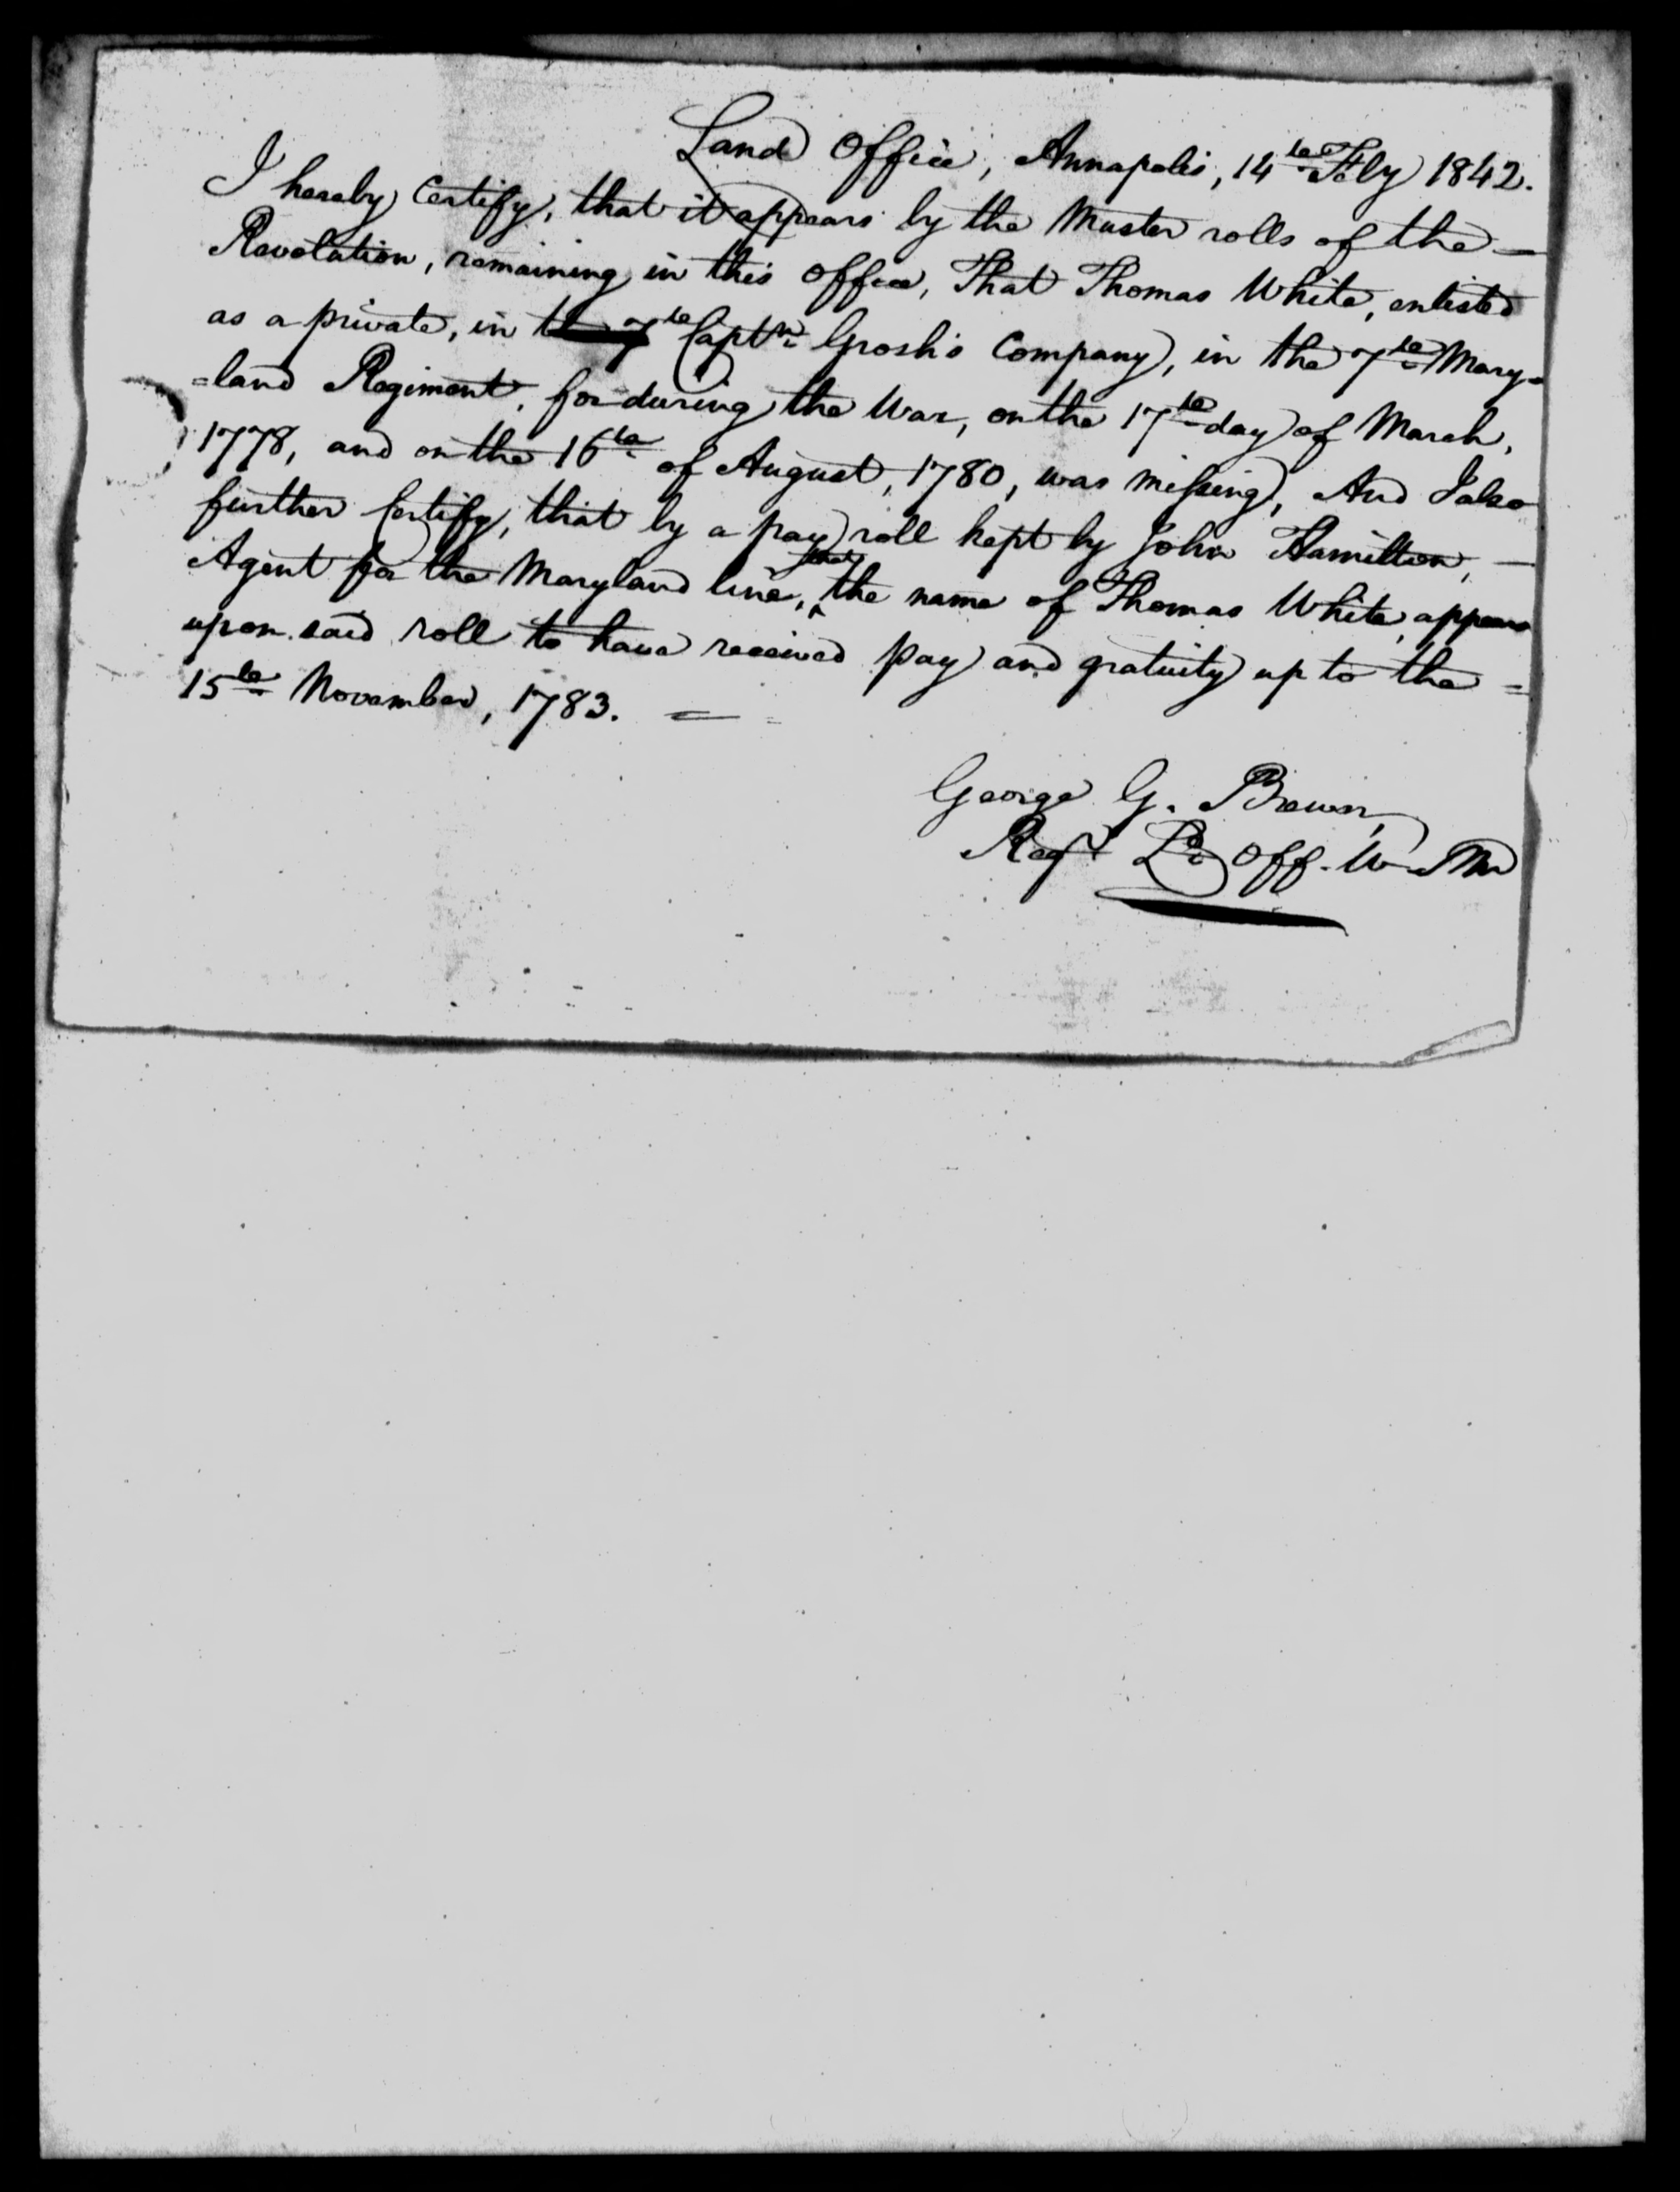Land Office, Annapolis, 14th July 1842.
I hereby certify, that it appears by the Master Rolls of the Revolution, remaining in this office, That Thomas White, enlisted as a private, in Capt Grosh's Company, in the 7th Maryland Regiment, for during the war, on the 17th day of March 1778, and on the 16th of August, 1780, was missing, and john further certify, that by a pay roll kept by John Hamilton, Agent for the Maryland Line, that the name of Thomas White appears upon said roll to have received pay and gratuity up to the 15th November 1783. 
George G. Brewer
Register land off. [illegible]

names: John Hamilton, Thomas White, George G Brewer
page: 7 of 43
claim: survivor's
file: S. 15240, Thomas White, Md.